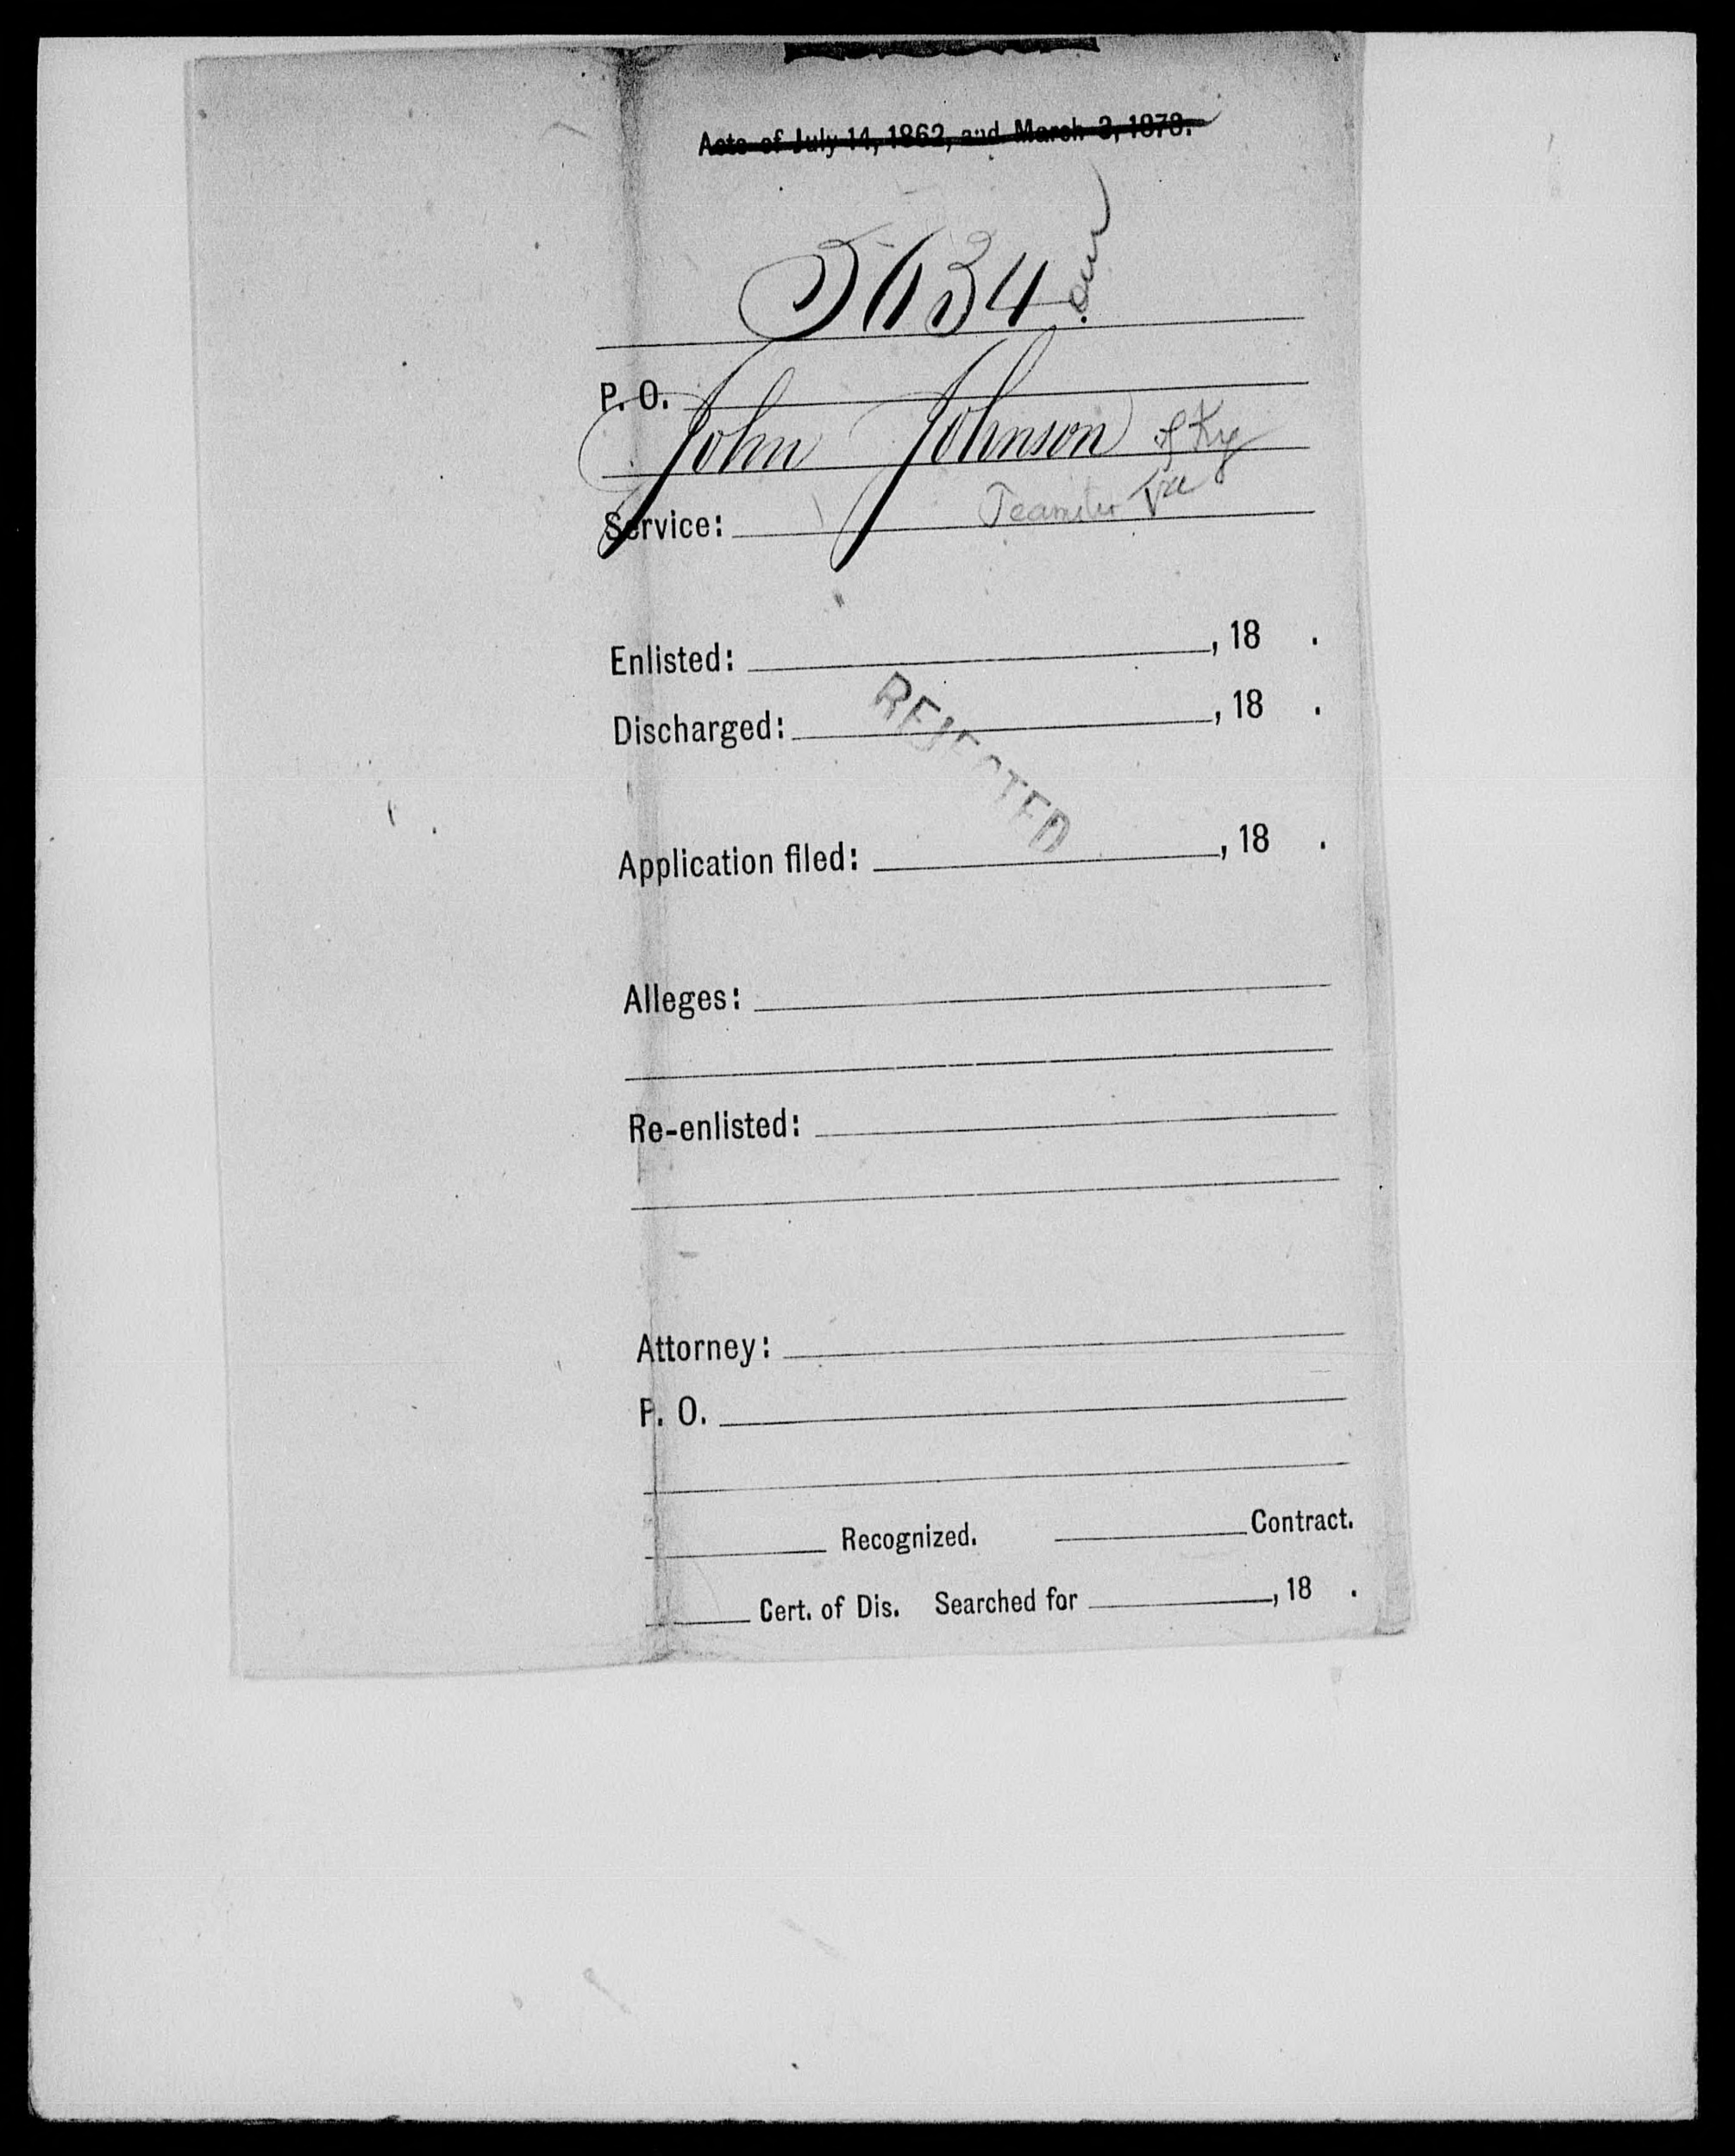5634
P.O.
John Johnson of Ky
Service: Teamster Va

Enlisted: , 18 .
Discharged., 18 .
Application filed:, 18 .

Alleges:

Re-enlisted:

Attorney:
P.O.
Recognized. Contract.
Cert. of Dis. Searched for , 18 .

[stamped] REJECTED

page: 8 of 16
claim: rejected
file: R. 5634, for John Johnson, Virginia